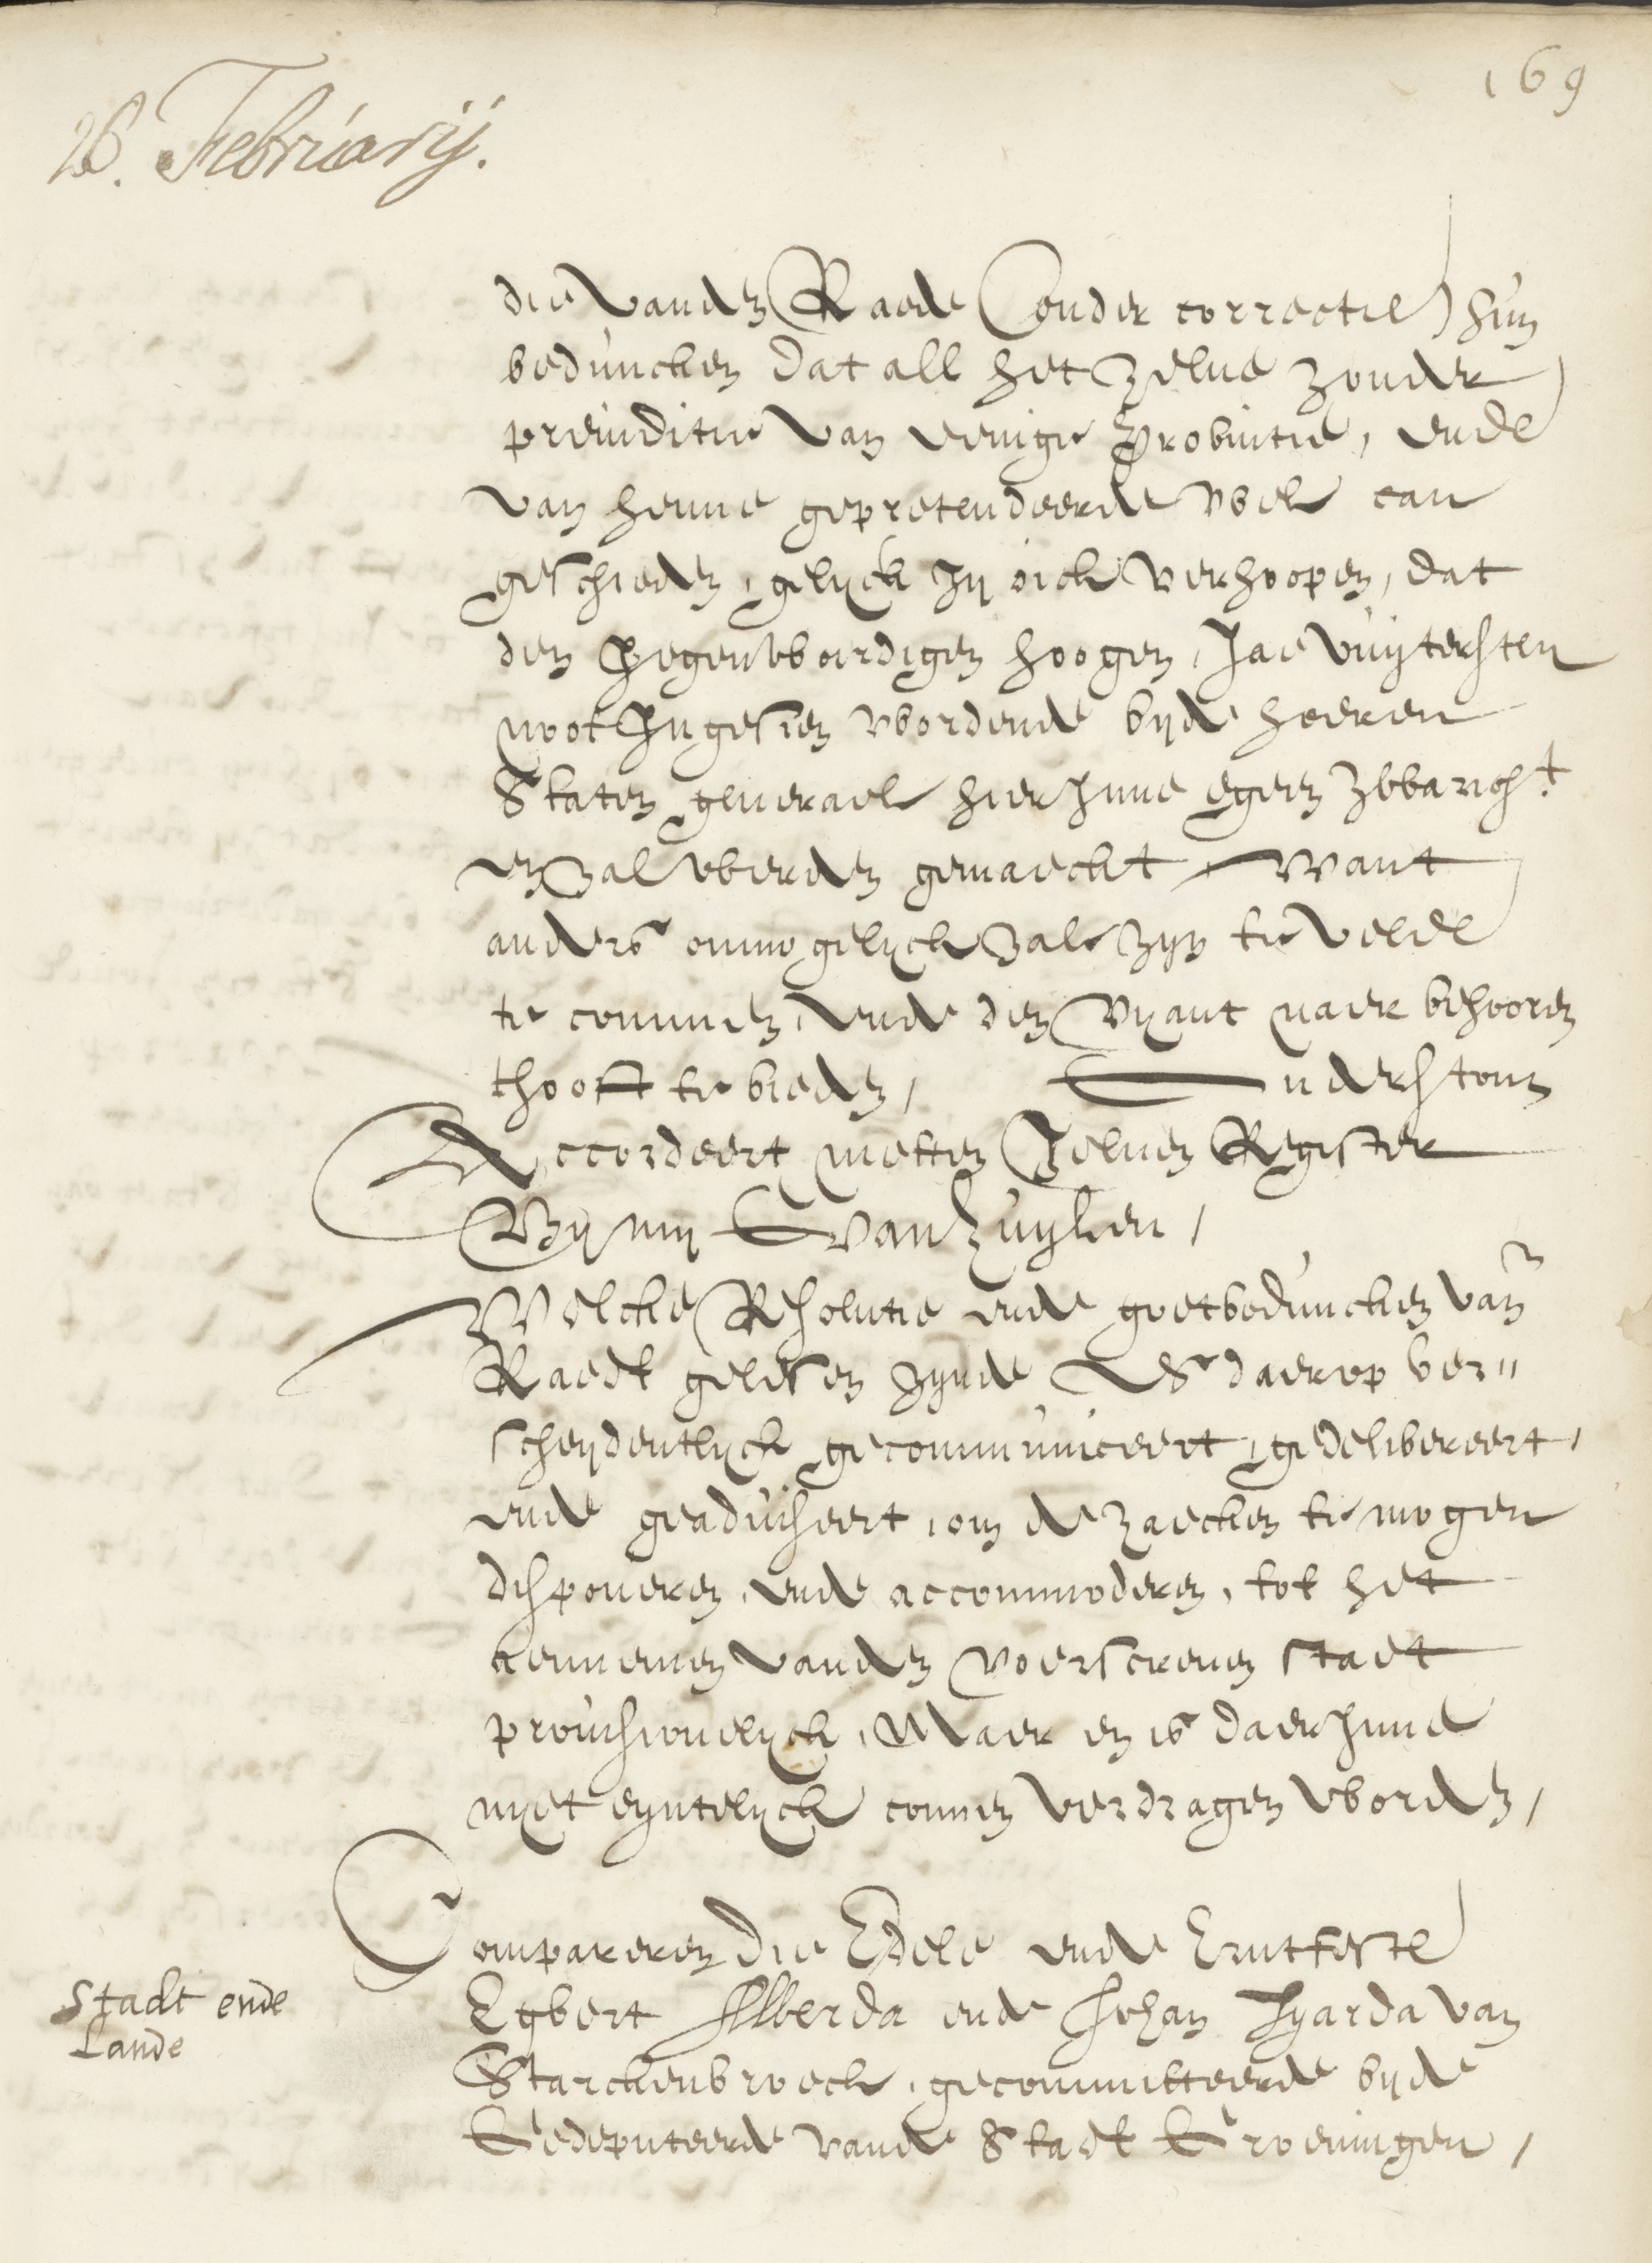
169
26. Februarij
die vanden Raede Onder correctie hun
beduncken dat all het zelue zonder
preiuditie van eenige provintie, ende
van henne gepretendeerde wel can
geschieden, gelyck zij oick verhoopen dat
den jegenwoirdigen hoogen, jae vuijtersten
noot ingesien wordende byde heeren
Staten generael hierinne egeen zwaricht
en zal werden gemaeckt want
anders onmogelyck zal zijn te velde
te commen, ende den vyant naer behooren
thooft te bieden. Onderstont
Accordeert metten zeluen Register
Bij mij Van Zuylen.
Welcke Resolutie ende goetbeduncken van
Raedt gelesen zynde. Es daerop ver„
scheydentlyck gecommuniceert, gedelibereert,
ende geaduiseert, om de zaecken te mogen
disponeren, ende accommoderen, tot het
aennemen vanden voerscreuen staet
prouisionelyck. Maer en is daerinne
nyet eyntelyck connen verdragen worden.
Stadt ende
Lande
Compareren die Edele ende Erntfeste
Egbert Alberda ende Johan Tyarda van
Starckenbroeck, gecommitteerde byde
Gedeputeerde vande Stadt Groeningen,
